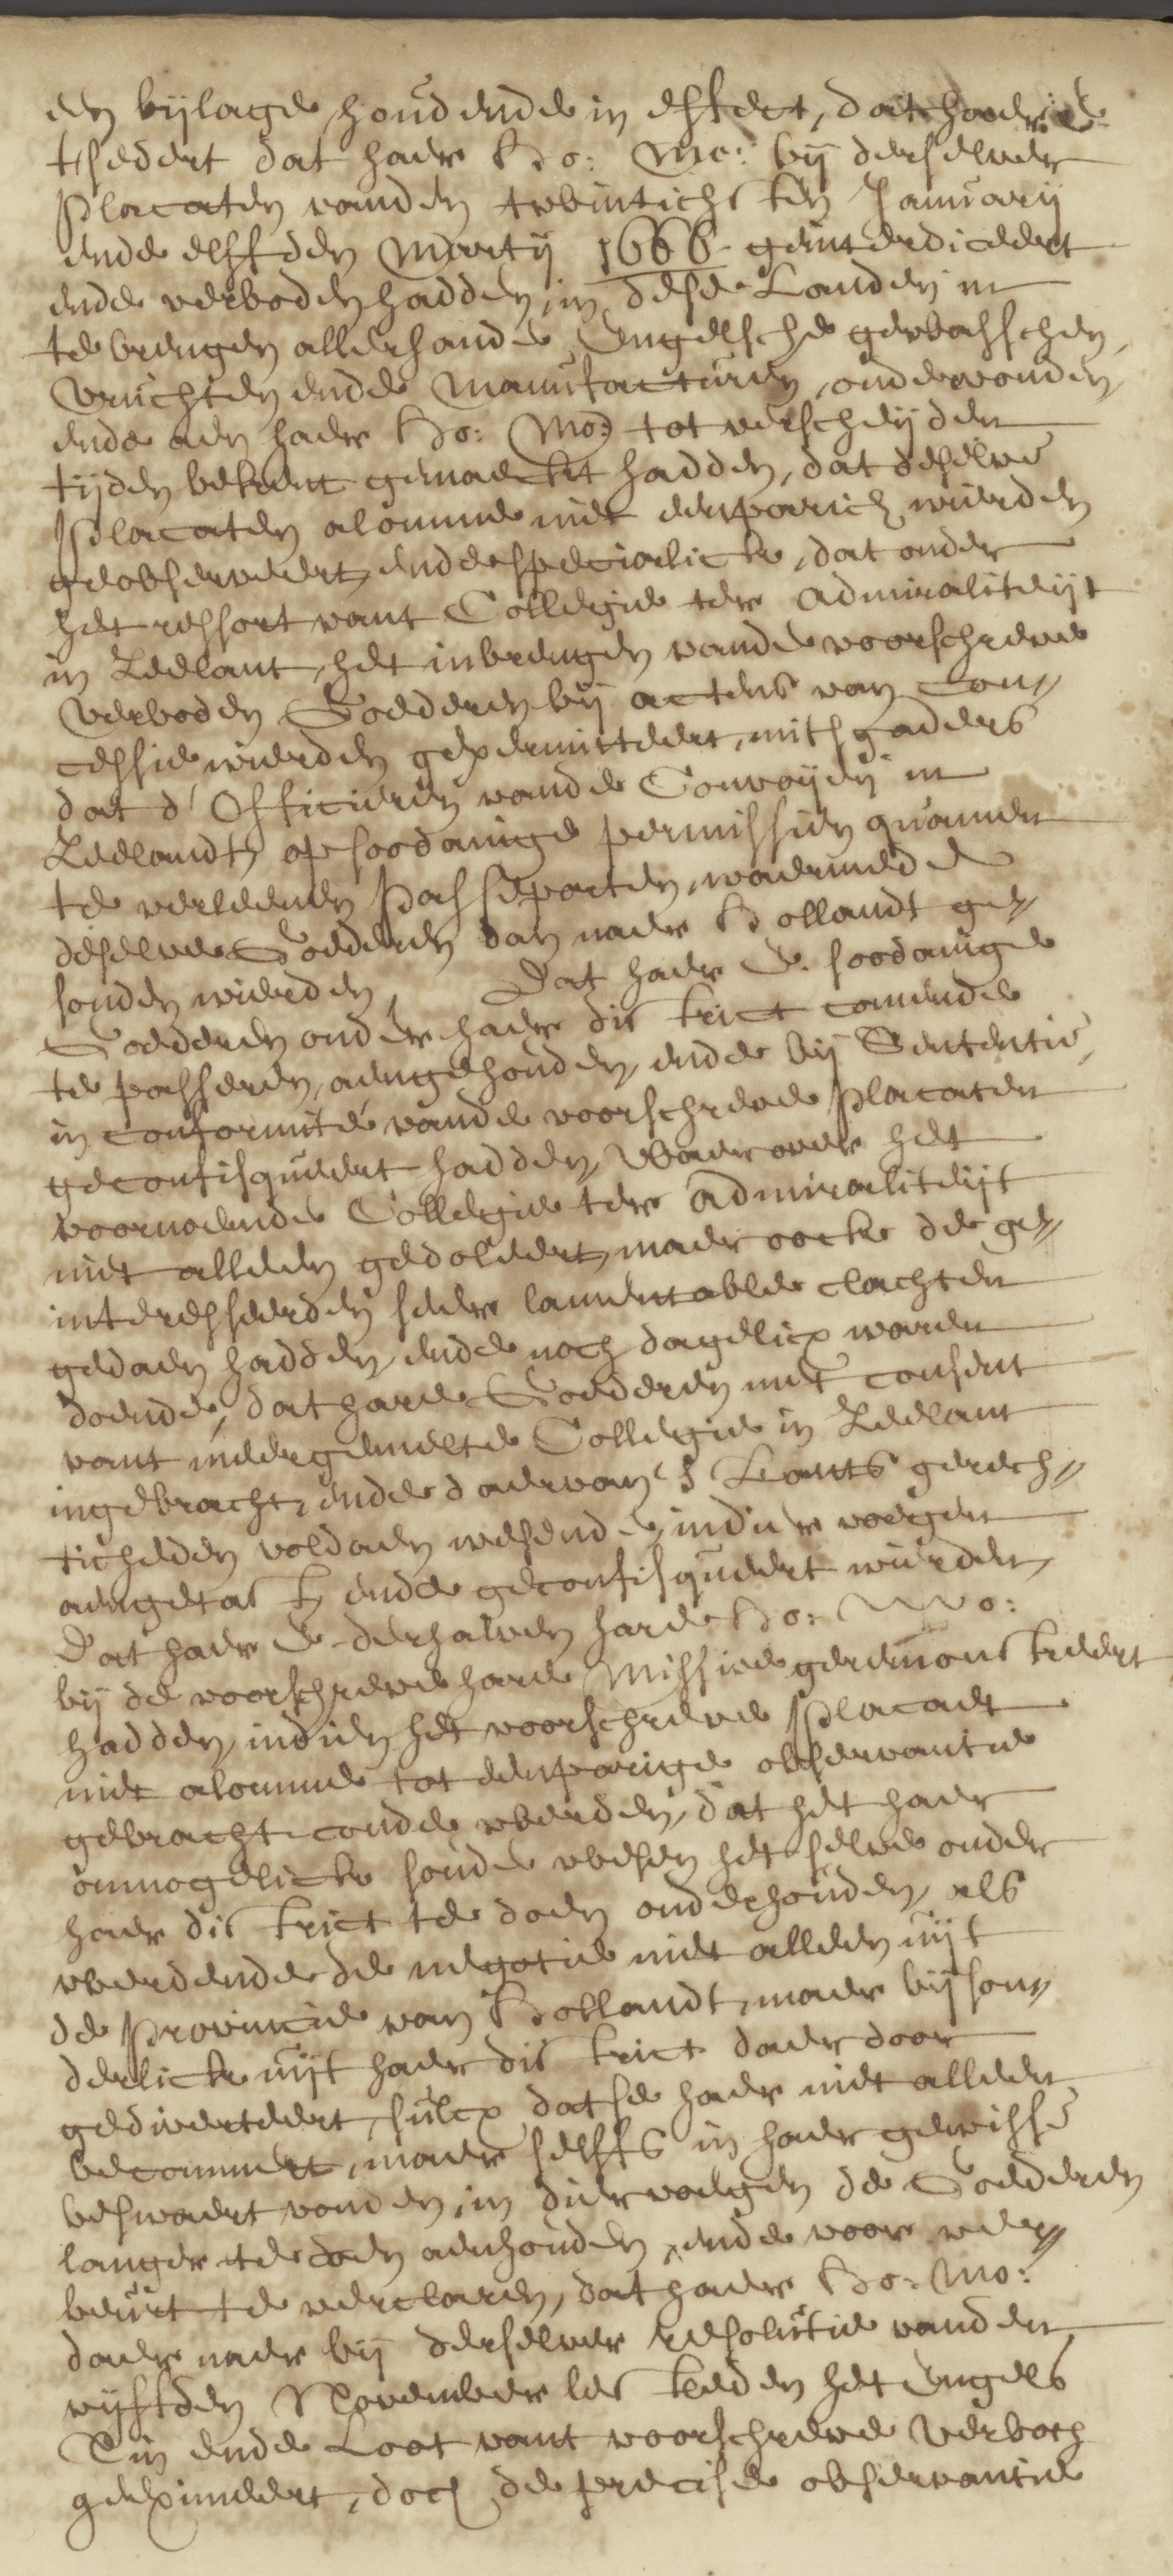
een bijlage, houdende in effect, dat haer E.
t‛sedert dat haer Ho:Mo: bij derselver
Placaten vanden twintichsten Januarij
ende elffden Martij 1666. geinterdiceert
ende verboden hadden, in dese Landen in
te brengen allerhande Engelsche gewasschen,
vruchten ende manufacturen, ondervonden,
ende aen haer Ho:Mo: tot verscheijden
tijden bekent gemaeckt hadden, dat deselve
Placaten alomme niet eenparich wierden
geobserveert, ende specialick, dat onder
het ressort vant Collegie ter Admiraliteijt
in Zeelant, het inbrengen vande voorschreve
verboden Goederen bij actens van con„
cessie wierden gepermitteert, mitsgaders
dat d'Officieren vande Convoijen in
Zeelandt, op soodanige permissien quamen
te verleenen Passeporten, waermede
deselve Goederen dan naer Hollandt ge„,
sonden wierden, Dat haer E. soodanige
Goederen onder haer district comende
te passeren, aengehouden, ende bij Sententie,
in conformité vande voorschreve Placaten
geconfisqueert hadden, waerover het
voornoemde Collegie ter Admiraliteijt
niet alleen gedoleert, maer oock de ge„
interesseerden haer lamentable clachten
gedaen hadden, ende noch dagelicx waren
doende, dat hare Goederen met consent
vant meergemelte Collegie in Zeelant
ingebracht, ende daervan ‛s Lants gerech„
ticheden voldaen wesende, indier voegen
aengetast, ende geconfisqueert wierden,
dat haer E. derhalven hare Ho:Mo:
bij de voorschreve hare Missive geremonstreert
hadden, indien het voorschreve Placaet
niet alomme tot eenparige obervantie
gebracht conde werden, dat het haer
onmogelick soude wesen het selve onder
haer district te doen onderhouden, als
werdende de negotie niet alleen uijt
de Provincie van Hollandt, maer bijson„
derlick uijt haer district daer door
gediverteert, sulcx datse haer niet alleen
becommert, maer selffs in haer gewisse
beswaert vonden, in diervoegen de Goederen
langer te doen aenhouden, ende voor ver„
beurt te verclaren, dat haer Ho:Mo:
daer naer bij derselver resolutie vanden
vijffden November lestleden het Engels
Tin ende Loot vant voorschreve verboth
geeximeert, doch de precise observantie
